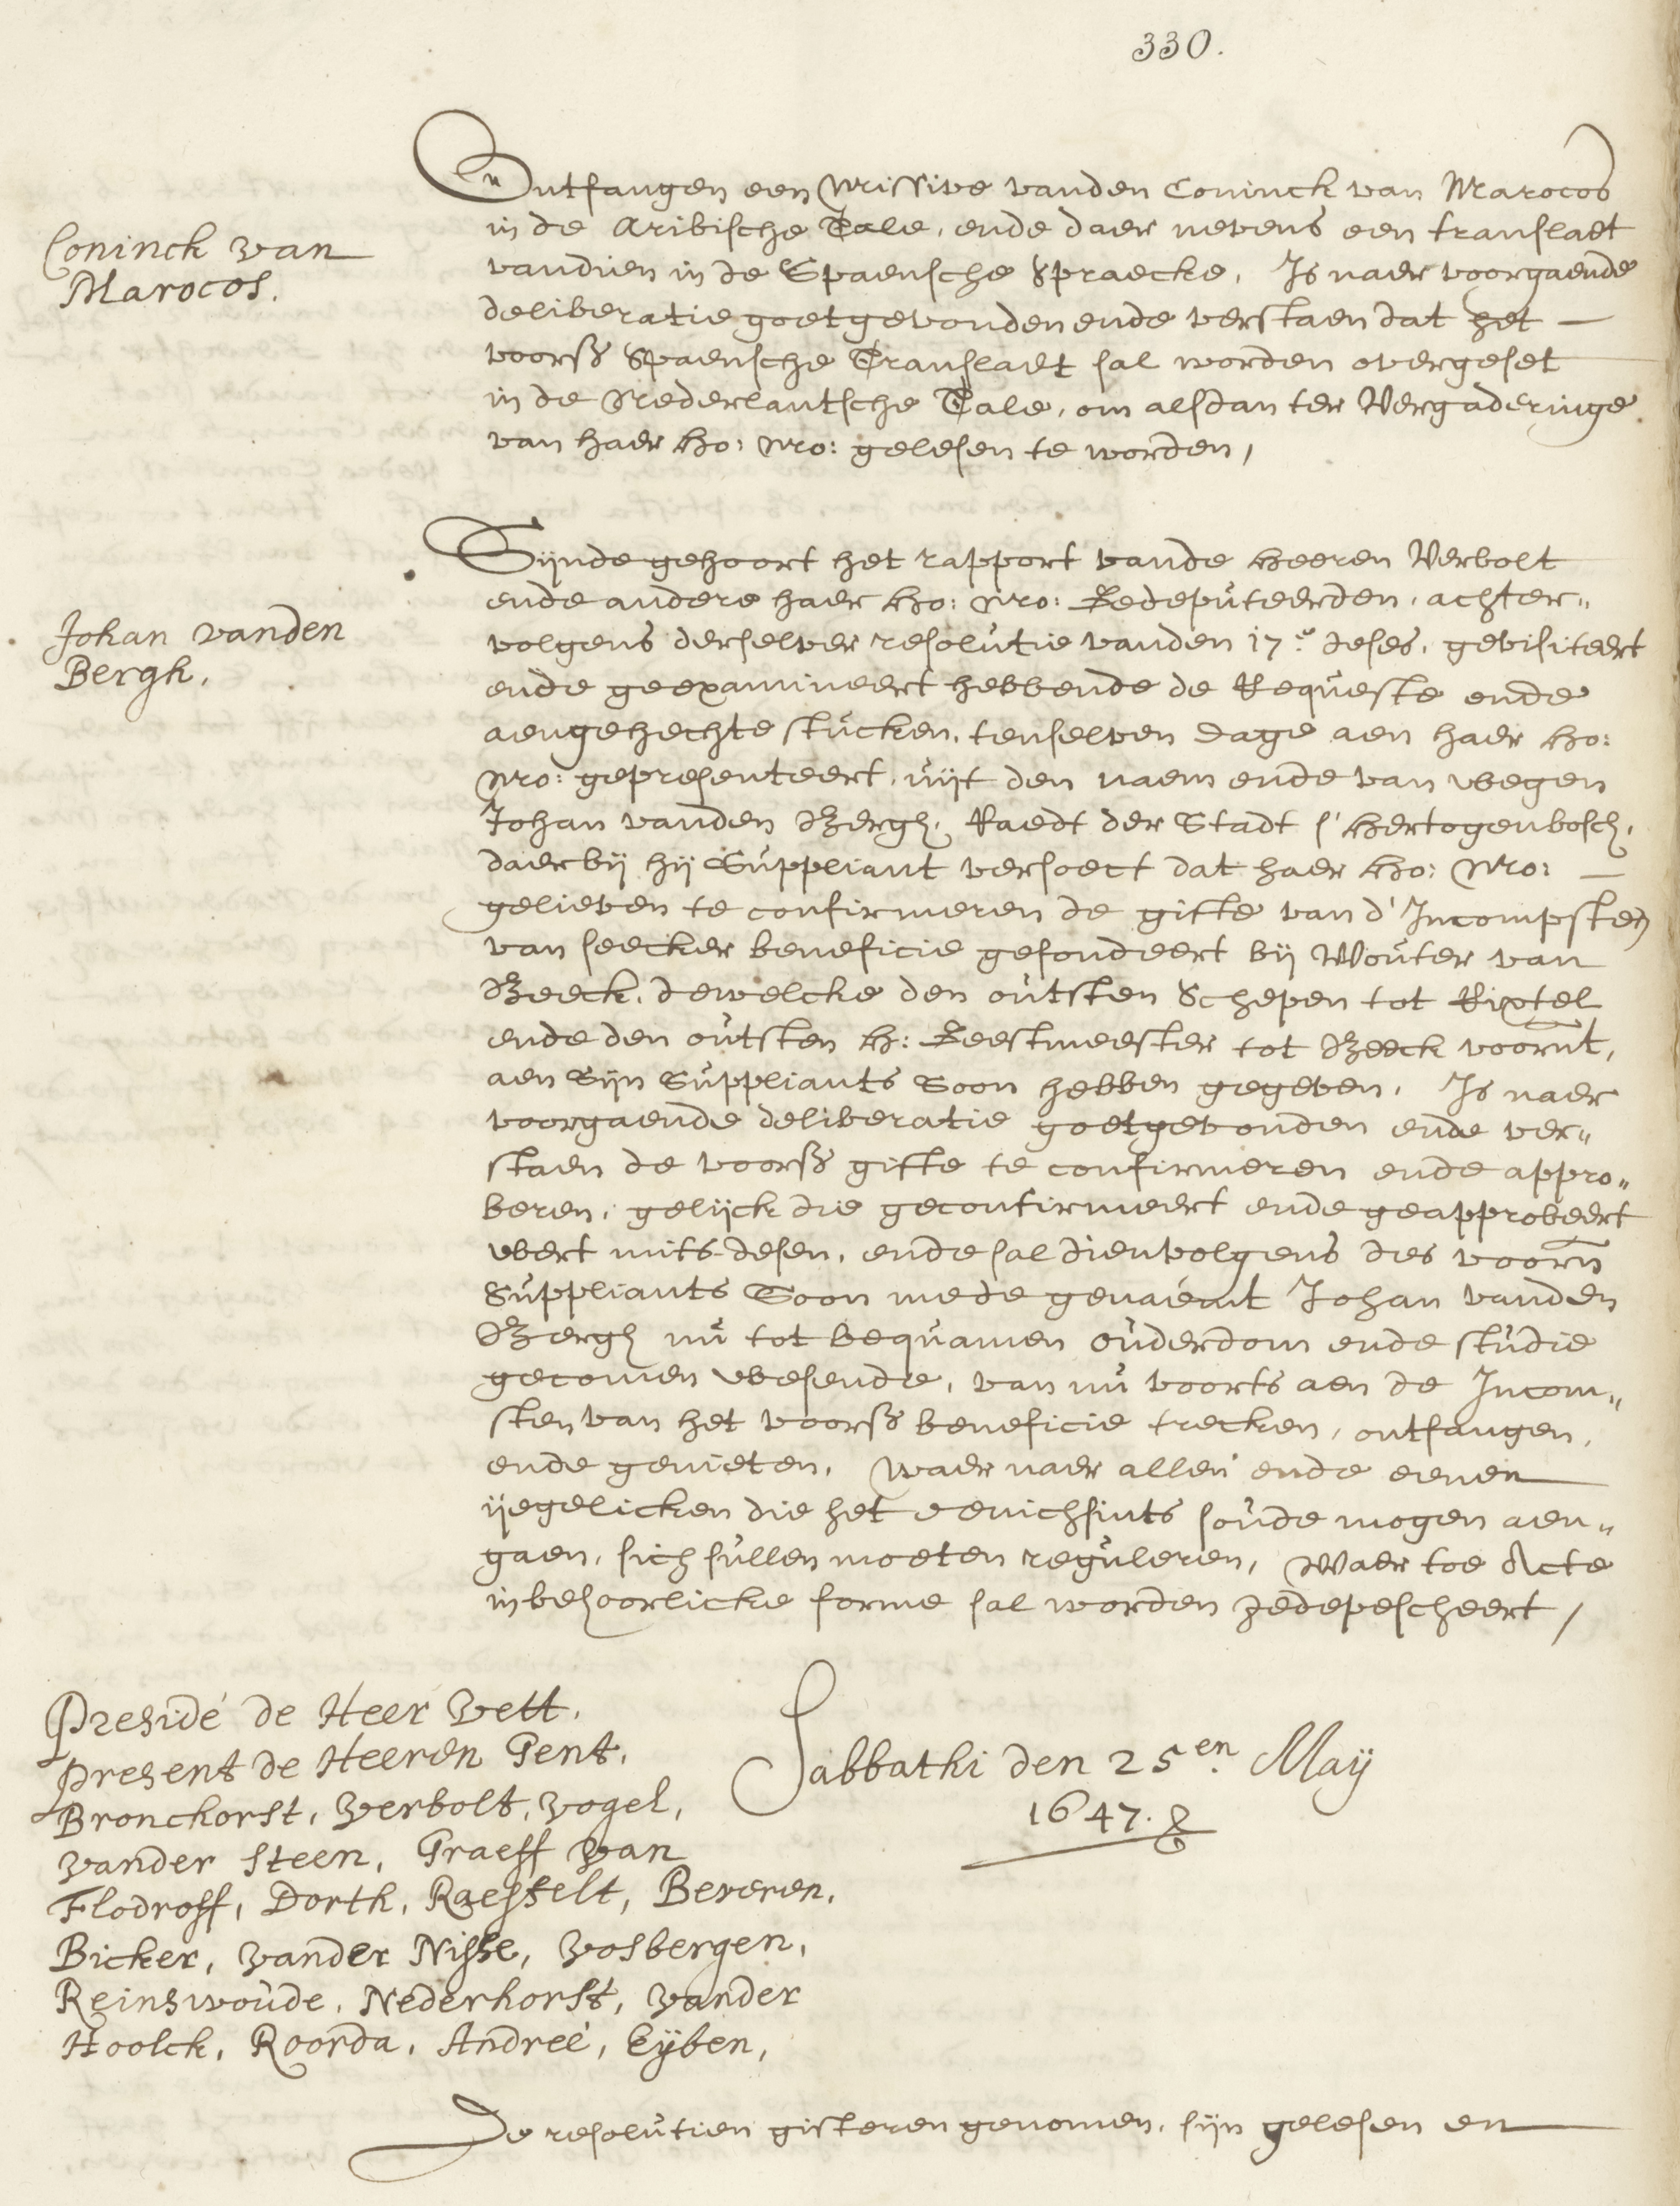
330.
Coninck van
Marocos.
Ontfangen een missive vanden Coninck van Marocos
in de Aribische Tale, ende daer nevens een translaet
vandien in de Spaensche spraecke, Is naer voorgaende
deliberatie goetgevonden ende verstaen dat het
voors Spaensche Translaet sal worden overgeset
in de Nederlantsche Tale, om alsdan ter Vergaderinge
van haer Ho:Mo: gelesen te worden.
Johan vanden
Bergh.
Sijnde gehoort het rapport vande heeren Verbolt
ende andere haer Ho:Mo: Gedeputeerden, achter„
volgens derselver resolutie vanden 17e deses, gevisiteert
ende geexamineert hebbende de Requeste ende
aengehechte stucken tenselven Dage aen haer Ho:
Mo: gepresenteert, uijt den naem ende van wegen
Johan vanden Bergh, Raedt der Stadt s'Hertogenbosch,
daerbij hij Suppliant versoect dat haer Ho:Mo:
gelieven te confirmeren de gifte van d'Incompsten
van seecker beneficie gefondeert bij Wouter van
Beeck, dewelcke den outsten schepen tot Riptel
ende den outsten H: Geestmeester tot Beeck voornt
aen Sijn Suppliants Soon hebben gegeven, Is naer
voorgaende deliberatie goetgevonden ende ver,,
staen de voors gifte te confirmeren ende appro„
beren, gelijck die geconfirmeert ende geapprobeert
wert mits desen, ende sal dienvolgens des voorn
Suppliants Soon mede genaemt Johan vanden
Bergh nu tot bequamen ouderdom ende studie
gecomen wesende, van nu voorts aen de Incom,,
sten van het voors beneficie trecken, ontfangen
ende genieten, waer naer allen ende eenen
ijegelicken die het eenichsints soude mogen aen„
gaen, sich sullen moeten reguleren, Waer toe Acte
in behoorlicke forme sal worden gedepescheert,
Sabbathi den 25en. Maij
1647
Preside de Heer Vett,
Present de Heeren Gent,
Bronchorst, Verbolt, Vogel,
vander Steen, Graeff van
Flodroff, Dorth, Raesselt, Beveren.
Bicker, vander Nisse, Vosbergen,
Reinswoude, Nederhorst, vander
Hoolck, Roorda, Andreé, Eijben.
De resolutien gisteren genomen, sijn gelesen en
